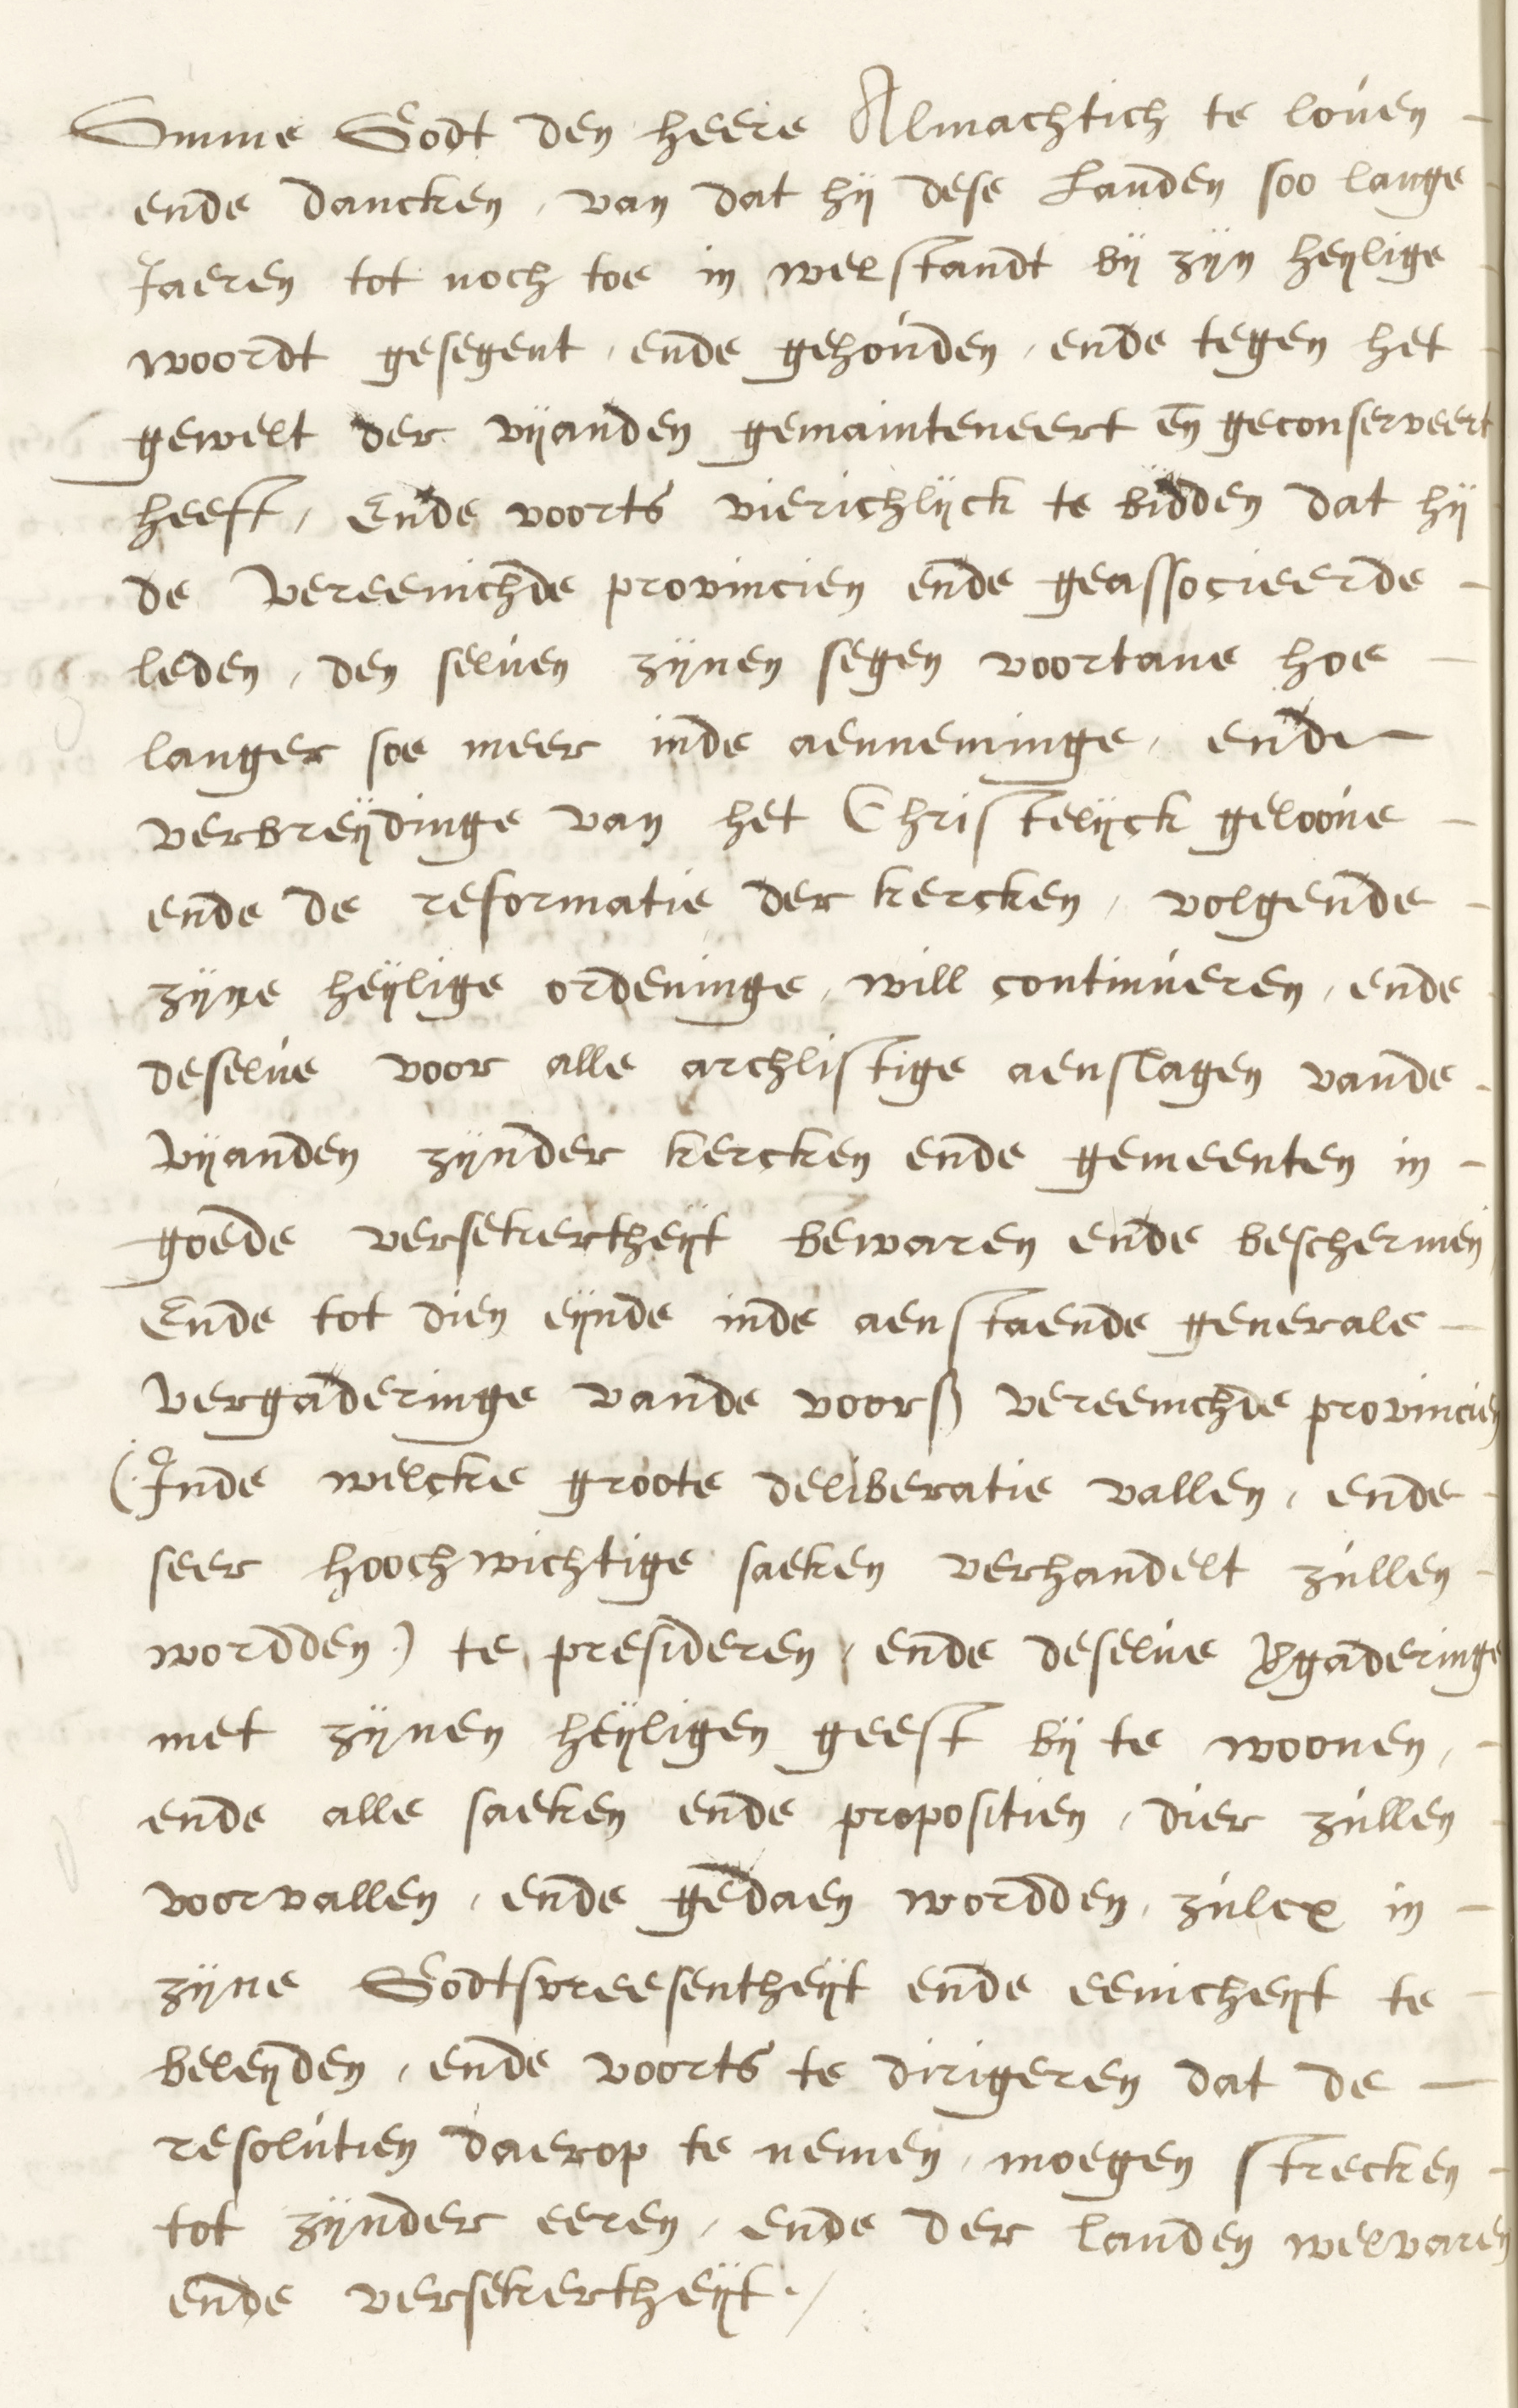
Omme Godt den heere Almachtich te louen
ende dancken, van dat hij dese Landen soo lange
Jaeren tot noch toe in welstandt bij zijn heylige
woordt gesegent, ende gehouden, ende tegen het
gewelt der vijanden gemainteneert en geconserveert
heeft, Ende voorts vierichlijck te bidden dat hij
de vereenichde provincien ende geassocieerde
leden, den seluen zijnen segen voortane hoe
langer soe meer inde aenneminge, ende
verbreijdinge van het Christelijck gelooue
ende de reformatie der kercken, volgende
zijne heijlige ordeninge, will continueren, ende
deselue voor alle archlistige aenslagen vande
vijanden zijnder kercken ende gemeenten in
goede versekertheyt bewaren ende beschermen
Ende tot dien eijnde inde aenstaende generale
vergaderinge vande voors vereenichde provincien
(.Inde welcke groote deliberatie vallen, ende
seer hoochwichtige saecken verhandelt zullen
wordden.) te presideren, ende deselue vgaderinge
met zijnen heijligen geest bij te woonen,
ende alle saecken ende propositien, dier zullen
voorvallen, ende gedaen wordden, zulcx in
zijne Godtsvreesentheijt ende eenicheyt te
beleyden, ende voorts te dirigeren dat de
resolutien daerop te nemen, moegen strecken
tot zijnder eeren, ende der landen welvaren
ende versekertheijt.
